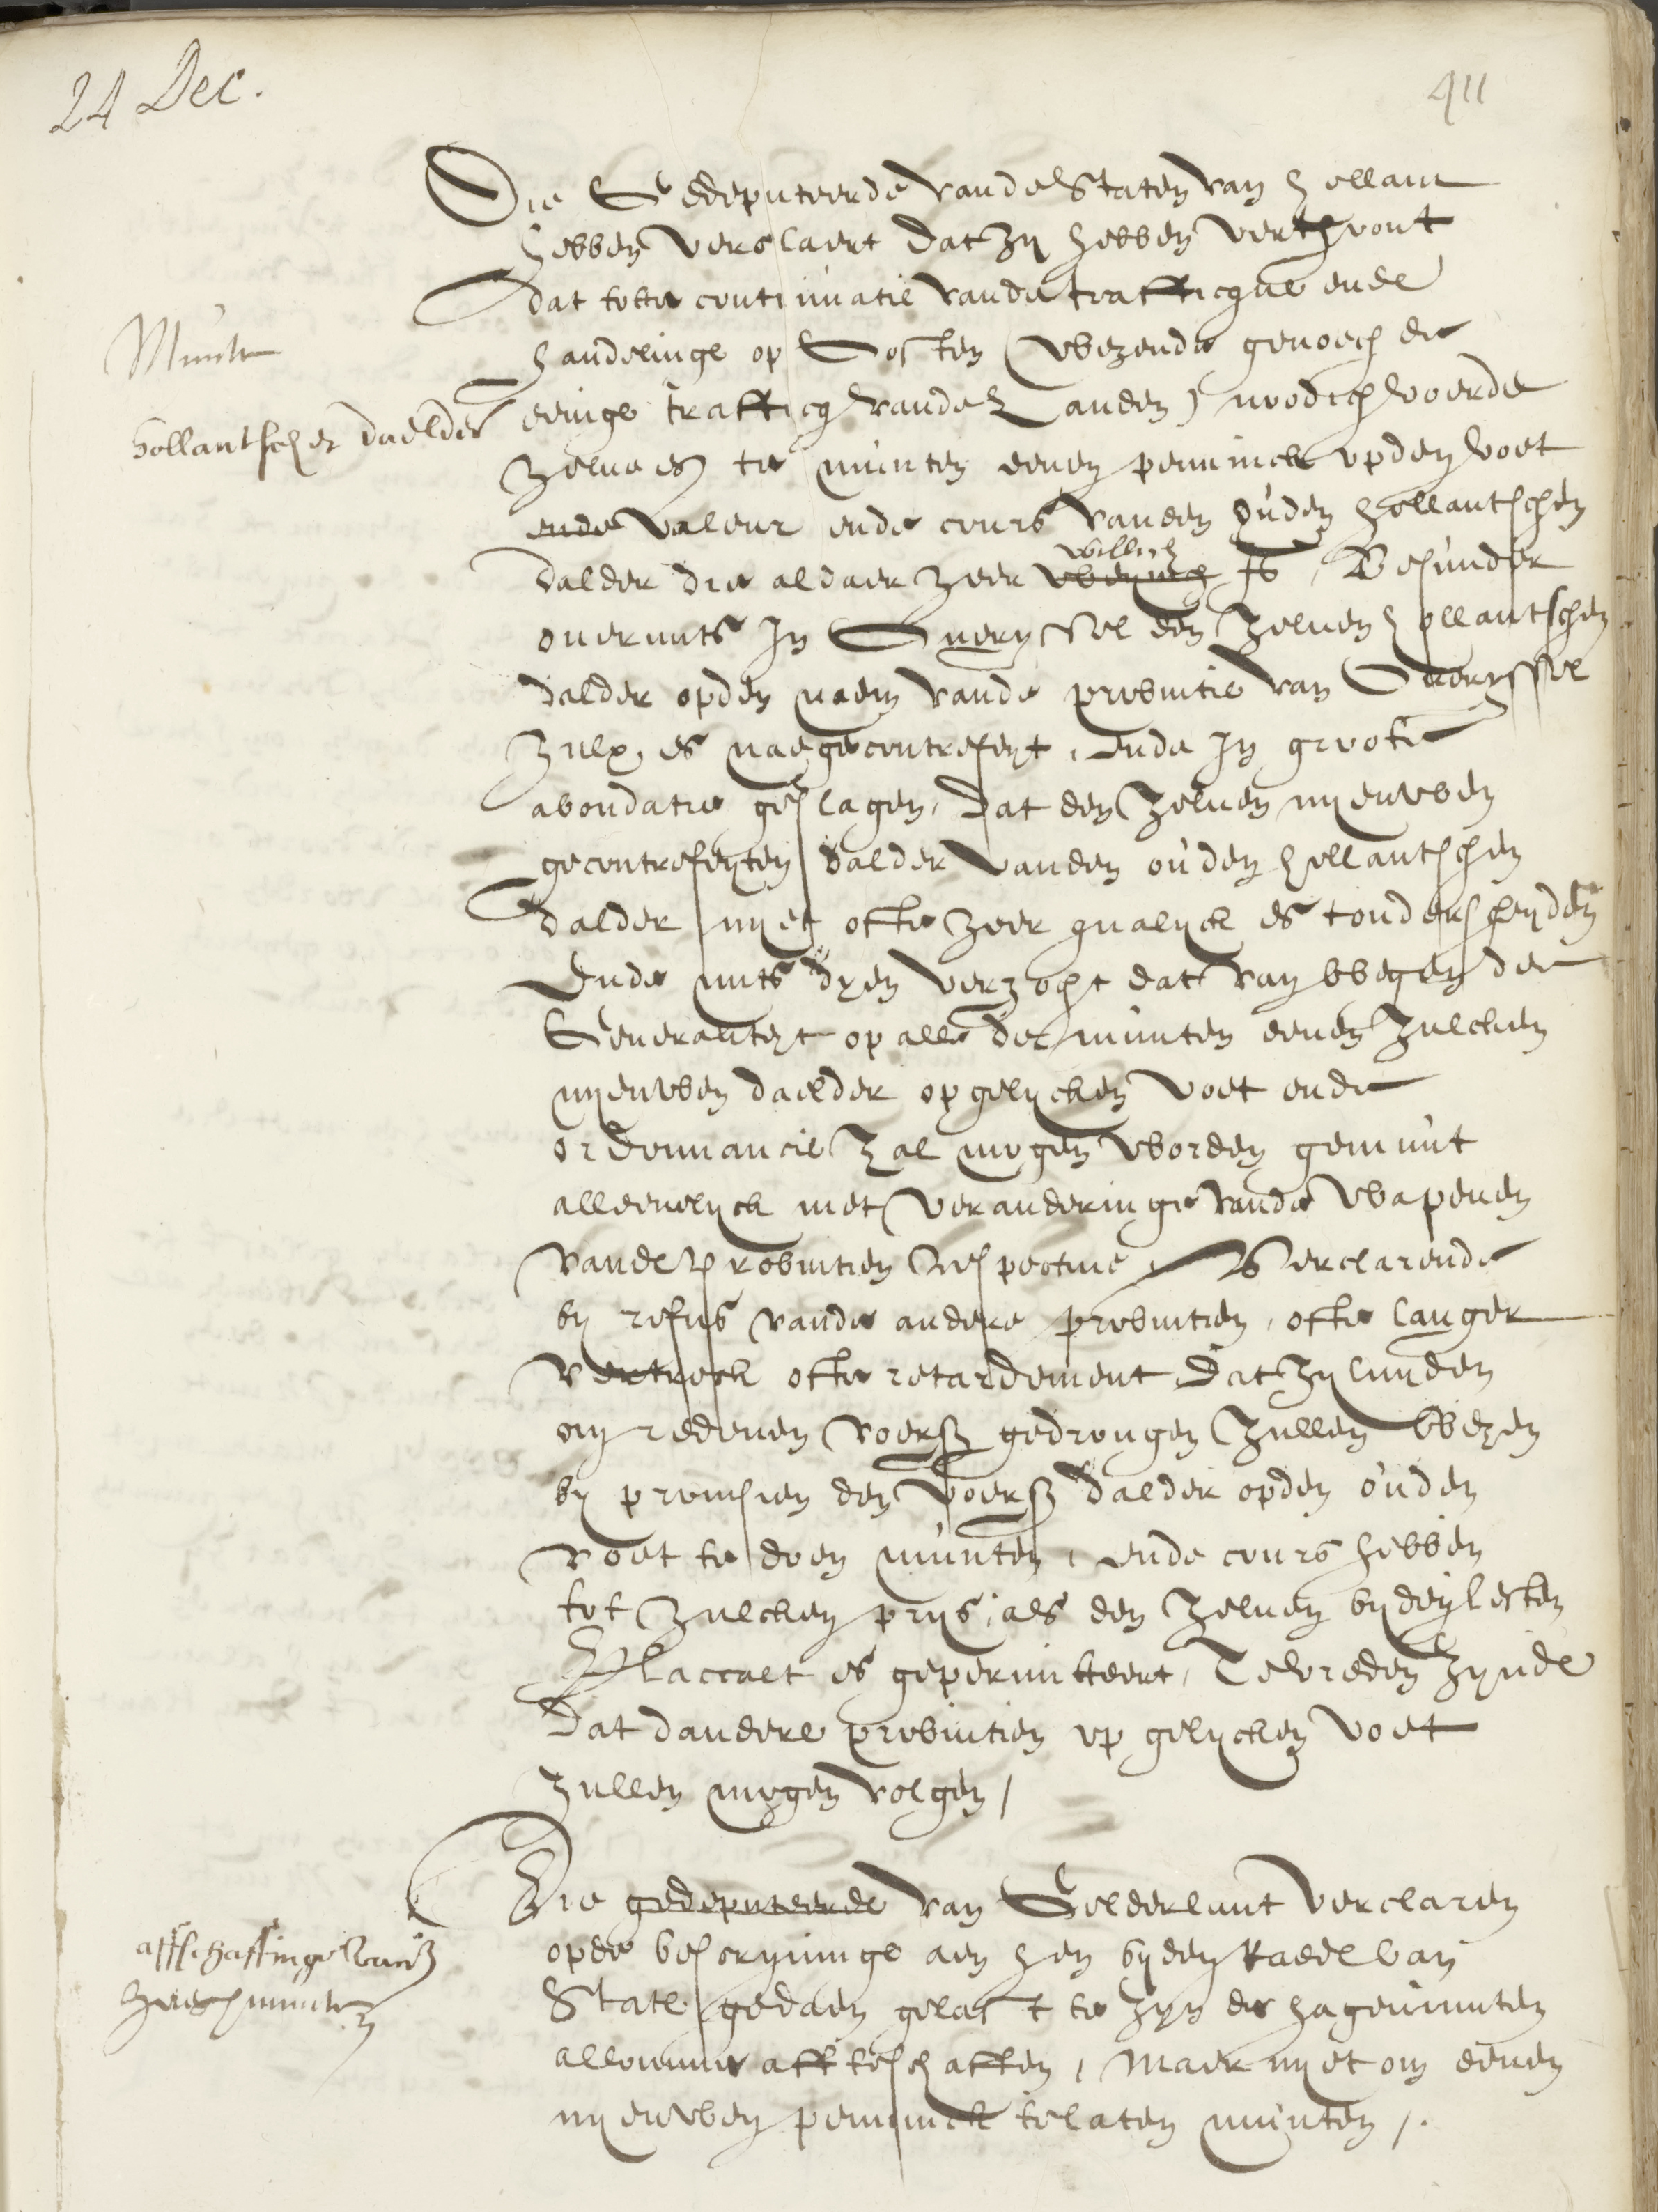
411
24 Dec.
Munte
hollantschen daelder
Die Gedeputeerde van de Staten van Hollant
hebben verclaert dat zy hebben verthrout
dat totte continuatie vande trafficque ende
handelinge op Oosten (wezende genoech de
eenige trafficq vande Landen) noodich voerde
zelue es te munten eenen penninck upden voet
ende valeur ende cours vanden ouden hollantschen
dalder die aldaer zeer weynich willich is, Besunder
ouermits in Overijssel een zelven hollantschen
dalder opden naem vande provintie van Oueryssel
zulx es naegeconterfeyt, ende in groote
abondatie geslagen, dat den zeluen nyeuwen
geconterfeyten dalder vanden ouden hollantschen
dalder nyet ofte zeer qualyck es t'onderscheyden
Ende mits dyen verzocht dat van wegen der
Generaliteyt op alle der munten eenen zulcken
nyeuwen daelder op gelycken voet ende
ordonnancie zal mogen worden gemunt
alleenelyck met veranderinge vande wapenen
vande provintien respective. Verclarende
bij refus vande andere provintien ofte langer
vertreck ofte retardement dat zy luyden
om redenen voers gedrongen zullen wezen
bij prouisien den voers dalder opden ouden
voet te doen munten, ende cours hebben
tot zulcken prys als den zelven by den lesten
Placcaet es gepermitteert. Tevreden zynde
dat d'andere provintien op gelycken voet
zullen mogen volgen.
affschaffinge van
Haegh munte
Die gedeputeerde van Gelderlant verclaren
opde bescryvinge aen hen by den Raede van
State gedaen, gelast te zijn die Hagenmunten
allomme aff te schaffen, maer nyjet om eenen
nyewen penninck te laten munten.
